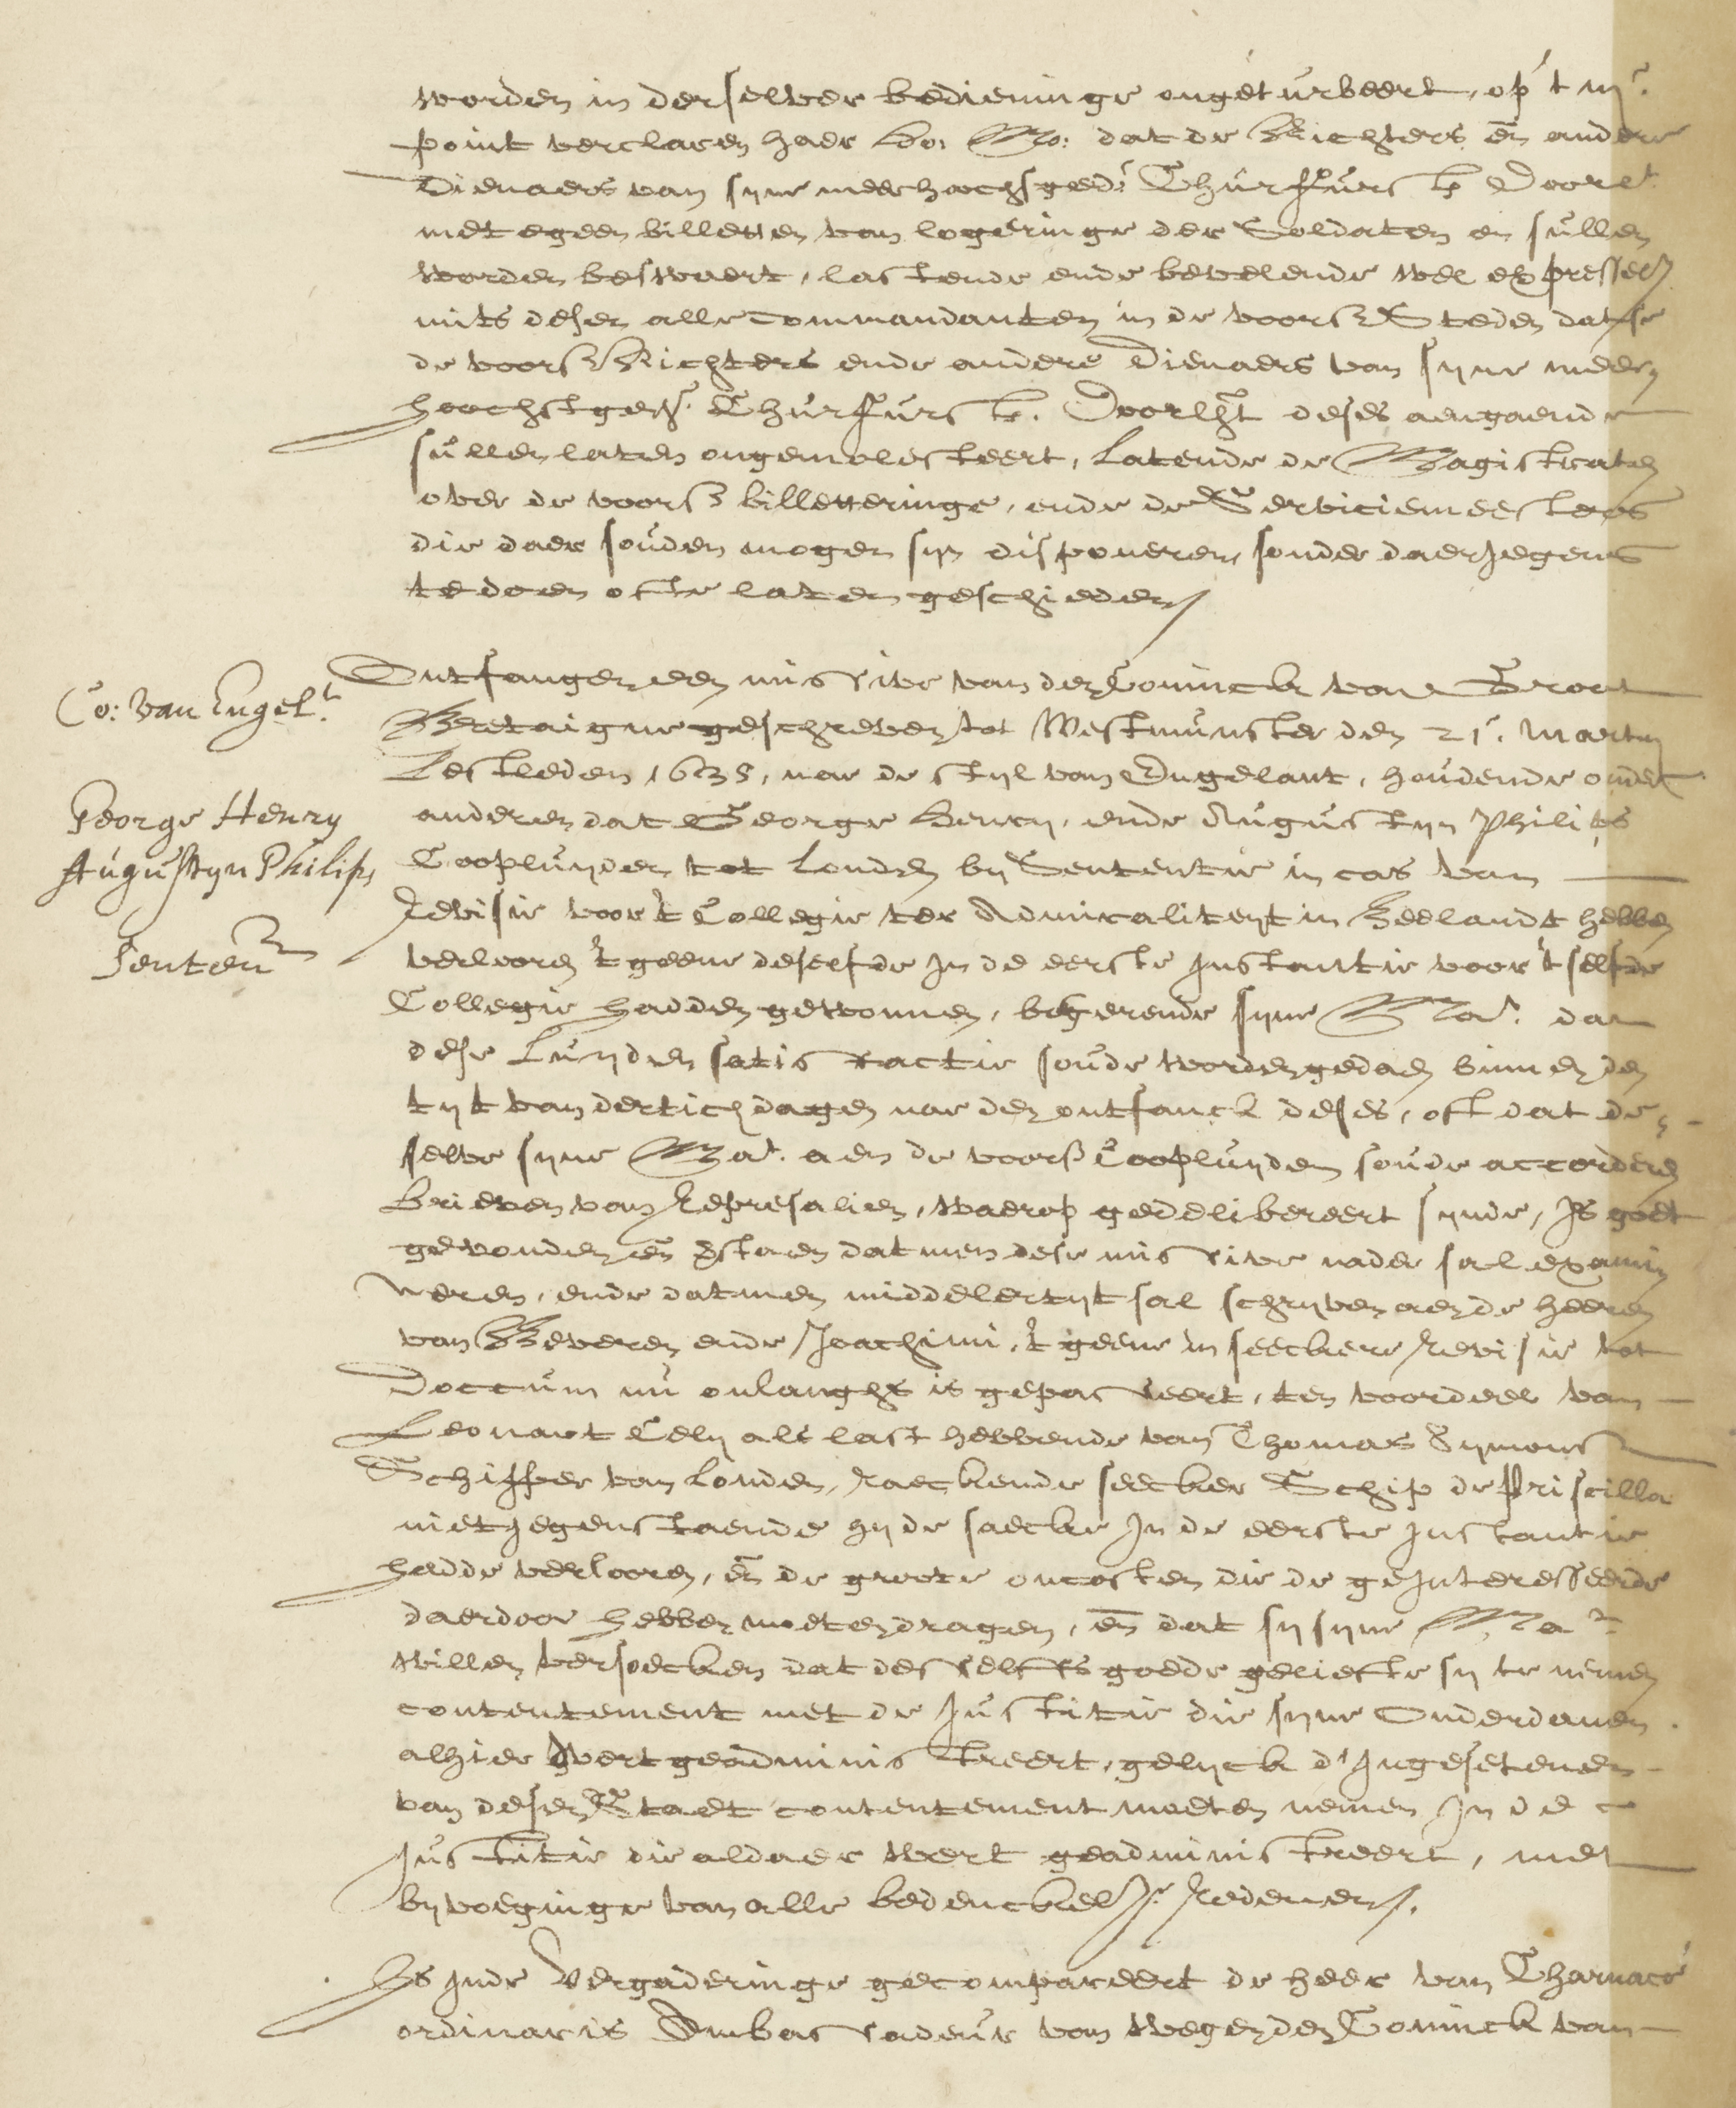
worden in derselver bedieninge ongeturbeert, op 't iiie
point verclaren haer Ho:Mo: dat de Richters en andere
dienaers van syne meerhoochstged Churfurstl Doorlt
met egeen billetten van logeringe der soldaten en sullen
worden beswaert, lastende ende bevelende wel expressel
mits desen alle commandanten in de voors Steden dat se
de voors Richters ende andere dienaers van syne meer,,
hoochstgede Churfurstl Doorlht deses aengaende
sullen laten ongemolesteert, latende de Magistraten
over de voors billetteringe ende de Servicienmeesters
die daer souden mogen syn disponeren sonder daerjegens
te doen offte laten geschieden.
Co. van Engelt
George Henry
Augustyn Philips
senten
Ontfangen een missive van der Coninck van Groot
Bretaigne geschreven tot Westmunster den 21e marty
lestleden 1635, nae de styl van Engelant, houdende onder
anderen dat George Henry, ende Augustyn Philips
coopluyden tot Londen bij sententie in cas van
revisie voort Collegie ter Admiraliteyt in Zeelandt hebben
verlooren 't geene deselfde in de eerste instantie voor 't selfde
Collegie hadden gewonnen, begerende Sijne Mat dat
dese Landen satisfactie soude worden gedaen binnen den
tyt van dertich dagen nae den ontfanck deses, off dat de
selve syne Mat aen de voors coopluyden soude accorderen
brieven van represalien, waerop gedelibereert synde, is goet
gevonden en verstaen dat men dese missive nader sal exami„
neren ende datmen middelertyt sal schryven aende heeren
van Beveren ende Joachimi, t geene in seeckere revisie tot
Doccum nu onlanghs is gepasseert, ten voordeel van
Leonart Coly als last hebbende van Thomas Symons
Schipper van Londen, raeckende seecker Schip de Priscilla
niet jegenstaende hy de saecke in de eerste instantie
hadde verlooren, en de groote oncosten die de geinteresseerde
daerdoor hebben moeten dragen, en dat sy Syn Mat
willen versoecken dat desselffs goede geliefte sy te nemen
contentement met de justitie die syne onderdanen
alhier wert geadministreert, gelyck d'ingesetenen
van desen Staet contentement moeten nemen in de
justitie die aldaer wort geadministreert, met
byvoeginge van alle bedenckel redenen.
Is inde vergaderinge gecompareert de heer van Charnacé
ordinaris Ambassadeur van wegen den Coninck van
